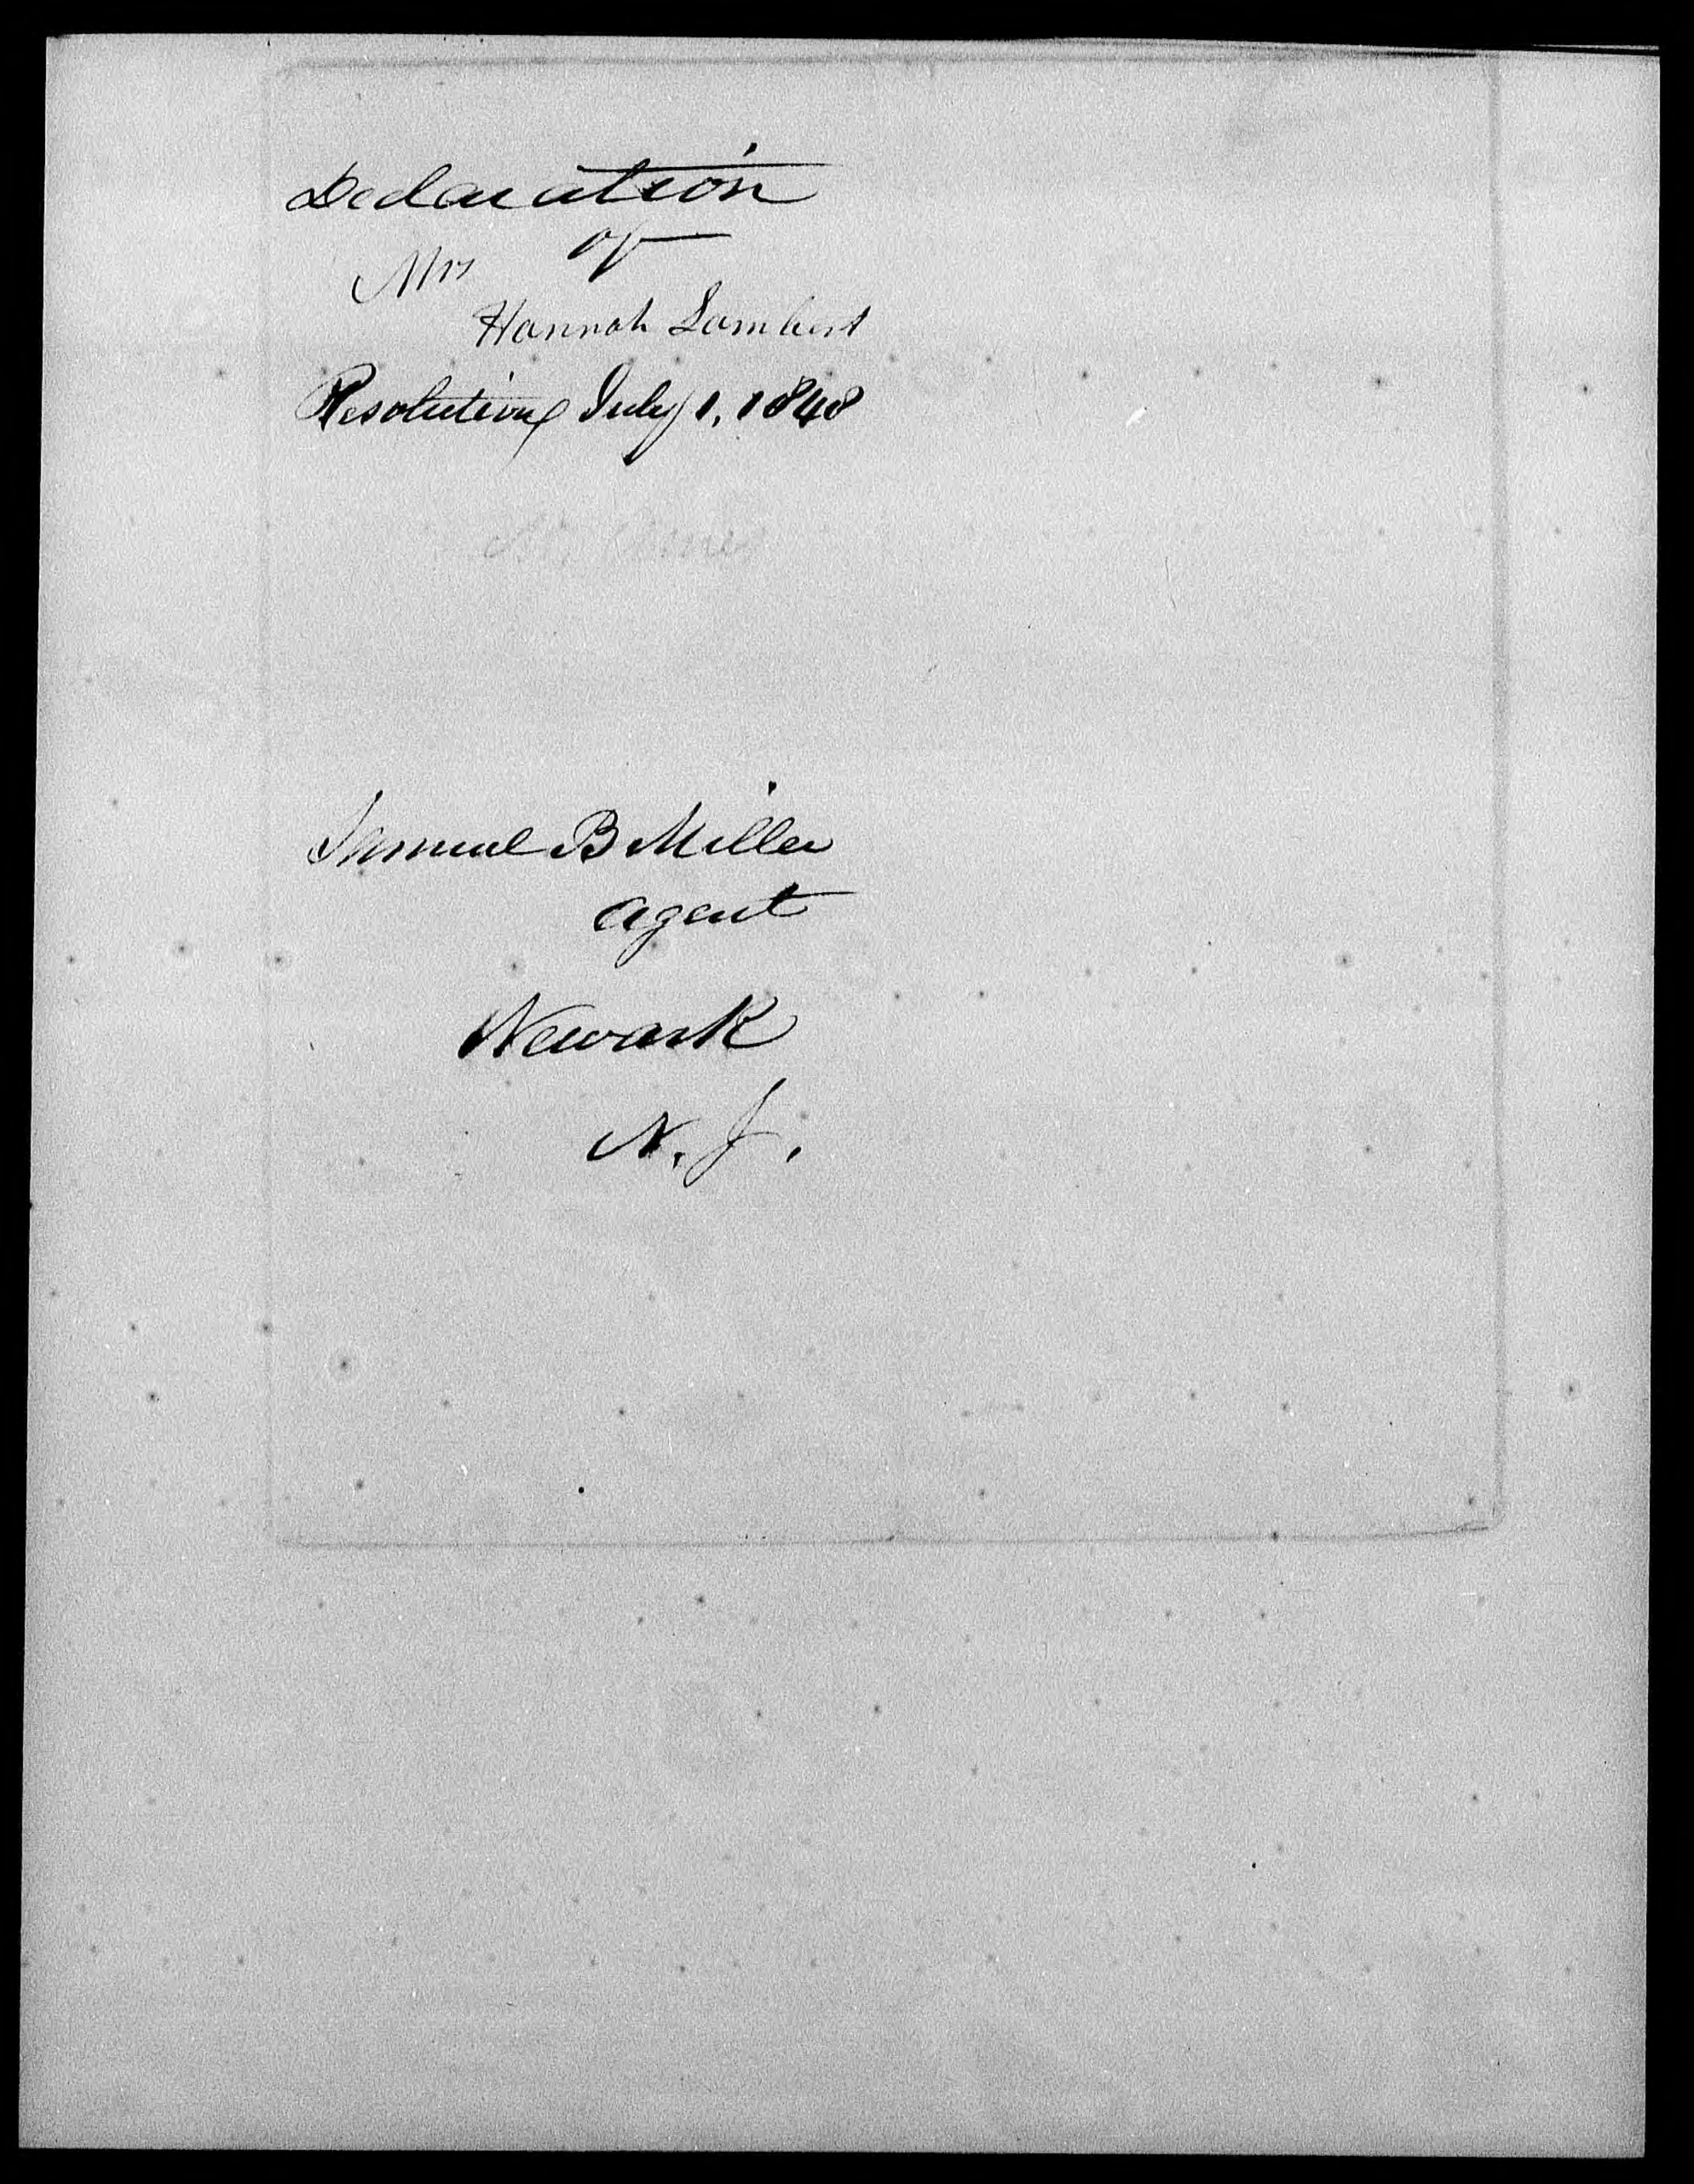Declaration of
Mrs. Hannah Lambert
Resolution July 1, 1843
N. Jersey

Samuel B. miller
agent
Newark N.J.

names: Samuel B Miller; Hannah Lambert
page: 47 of 49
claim: widow's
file: W. 859, for James Lambert, New Jersey